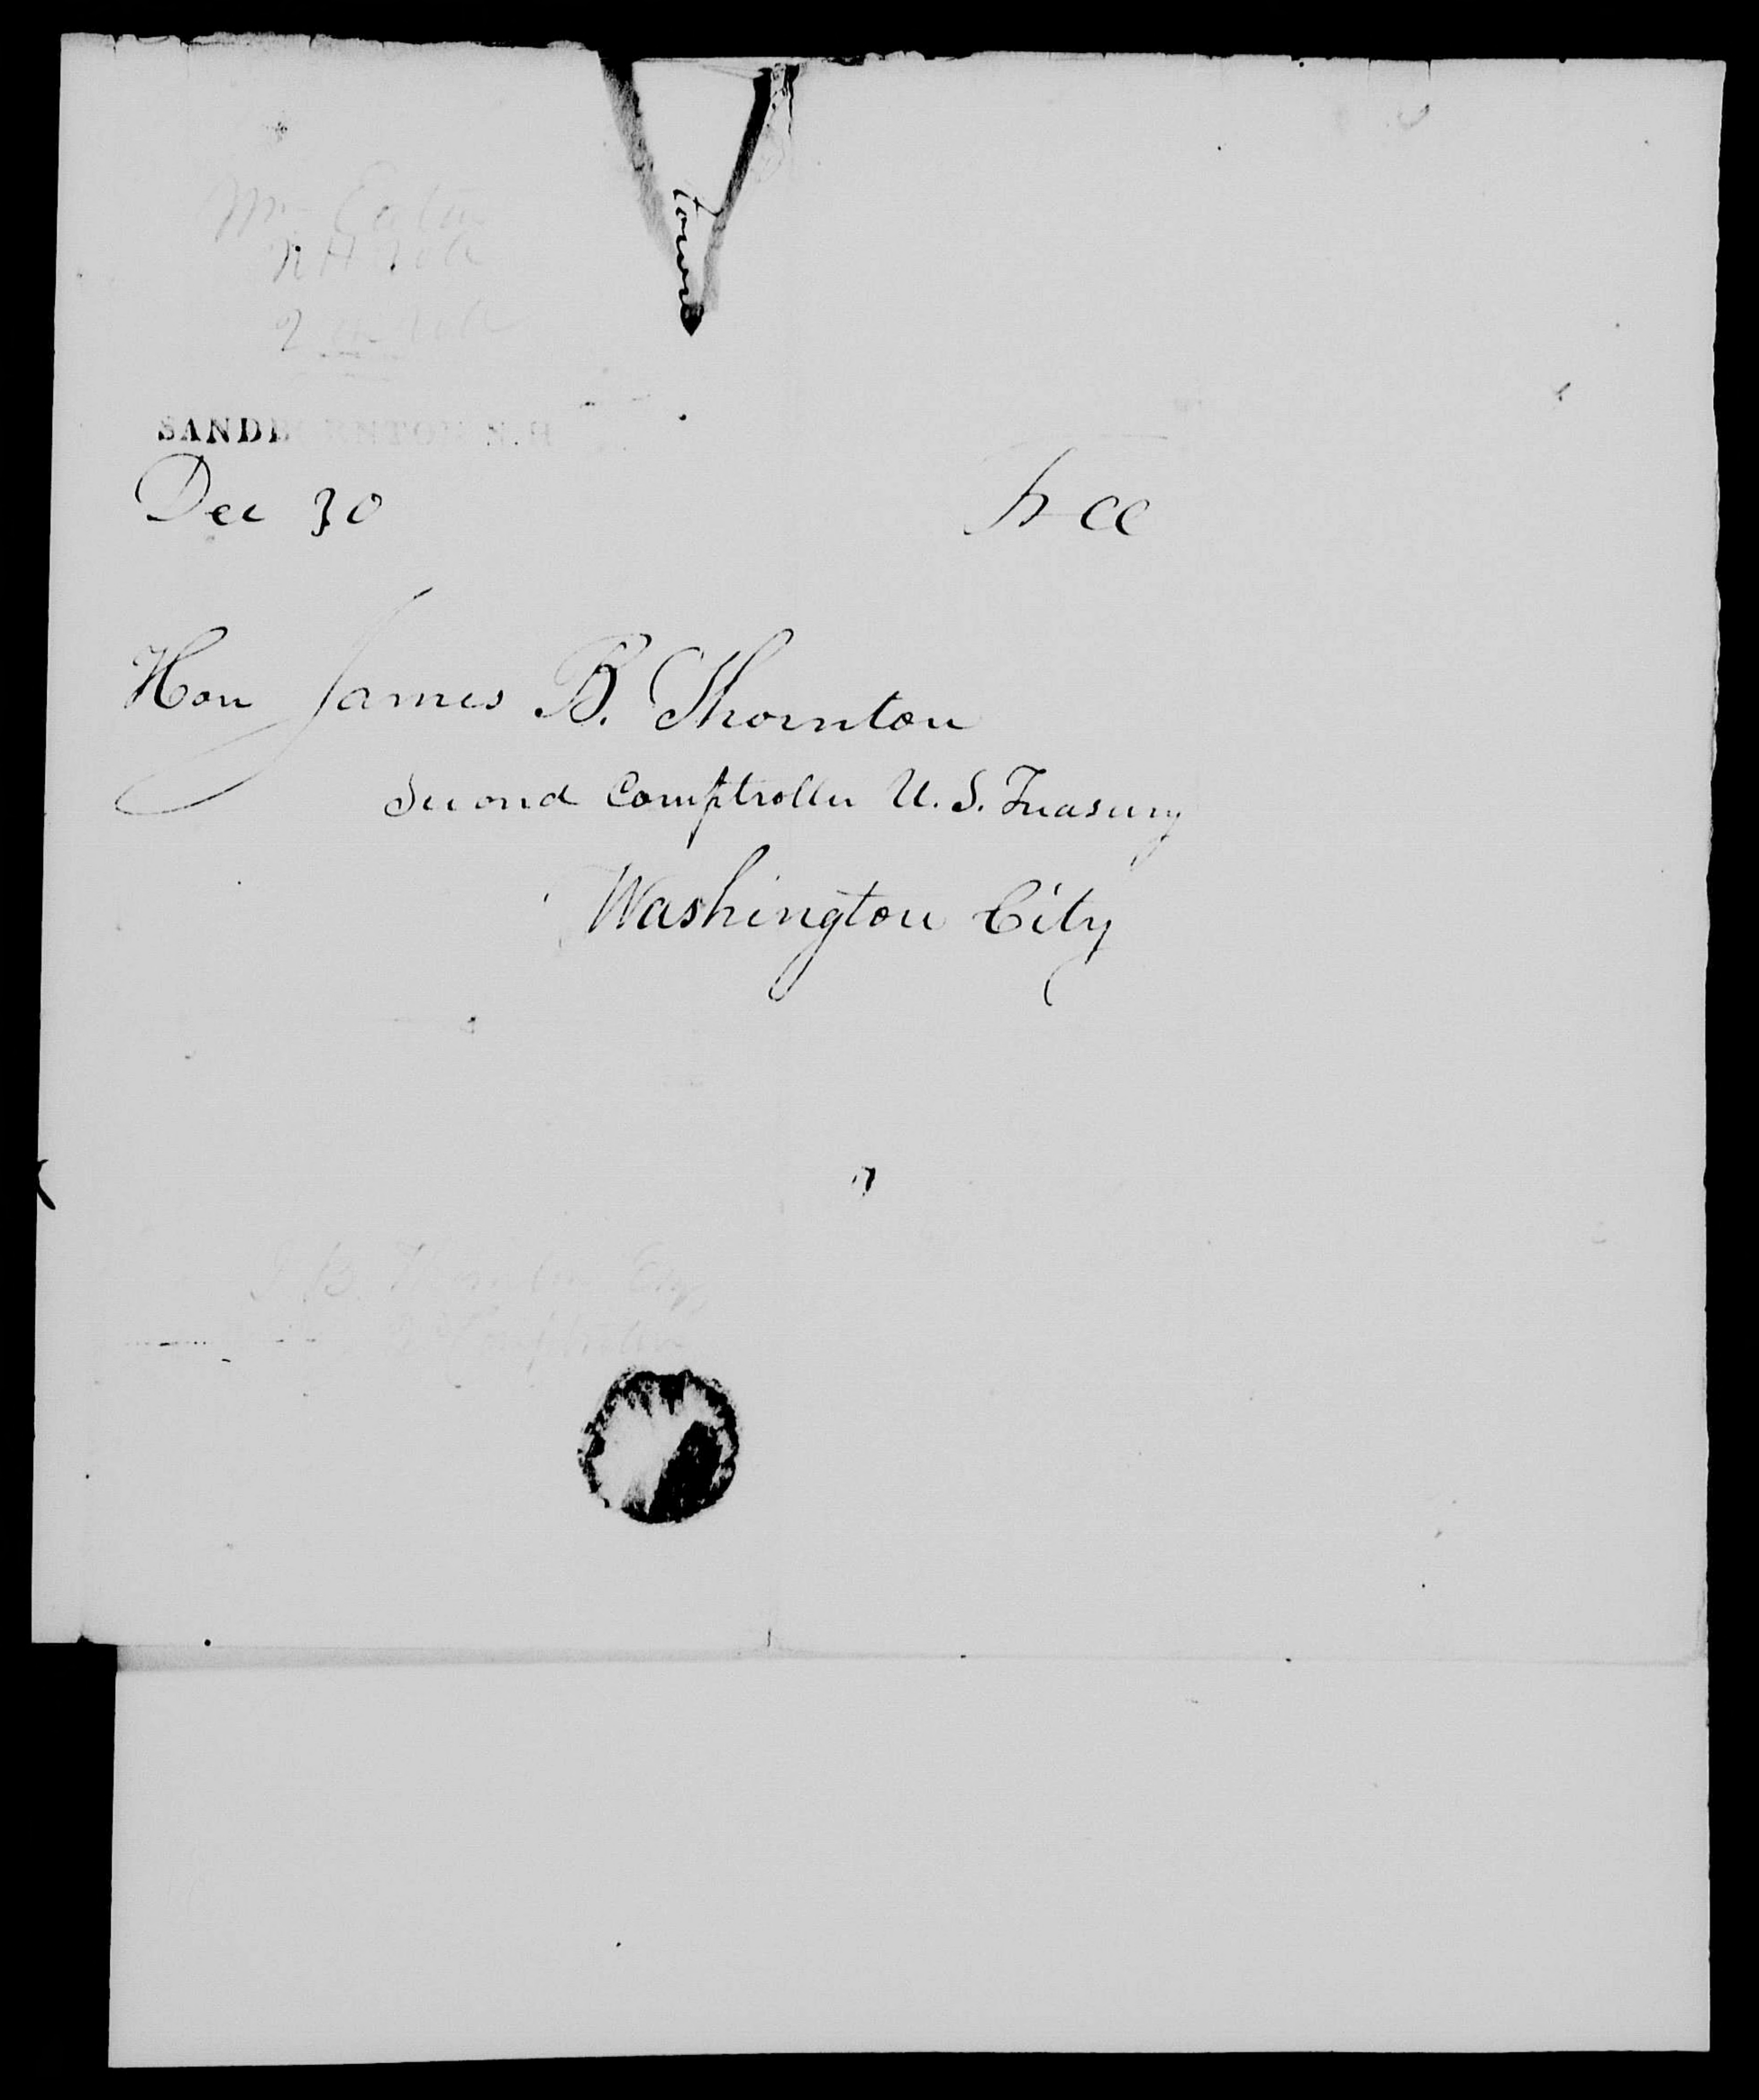SANDBORNTON NH
DEC 30  free
Hon James B. Thornton
Second Comptroller U.S. Treasury 
Washington City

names: James B Thornton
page: 15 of 21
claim: survivor's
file: S. 16374, William Eaton, Continental Mass. N.H.